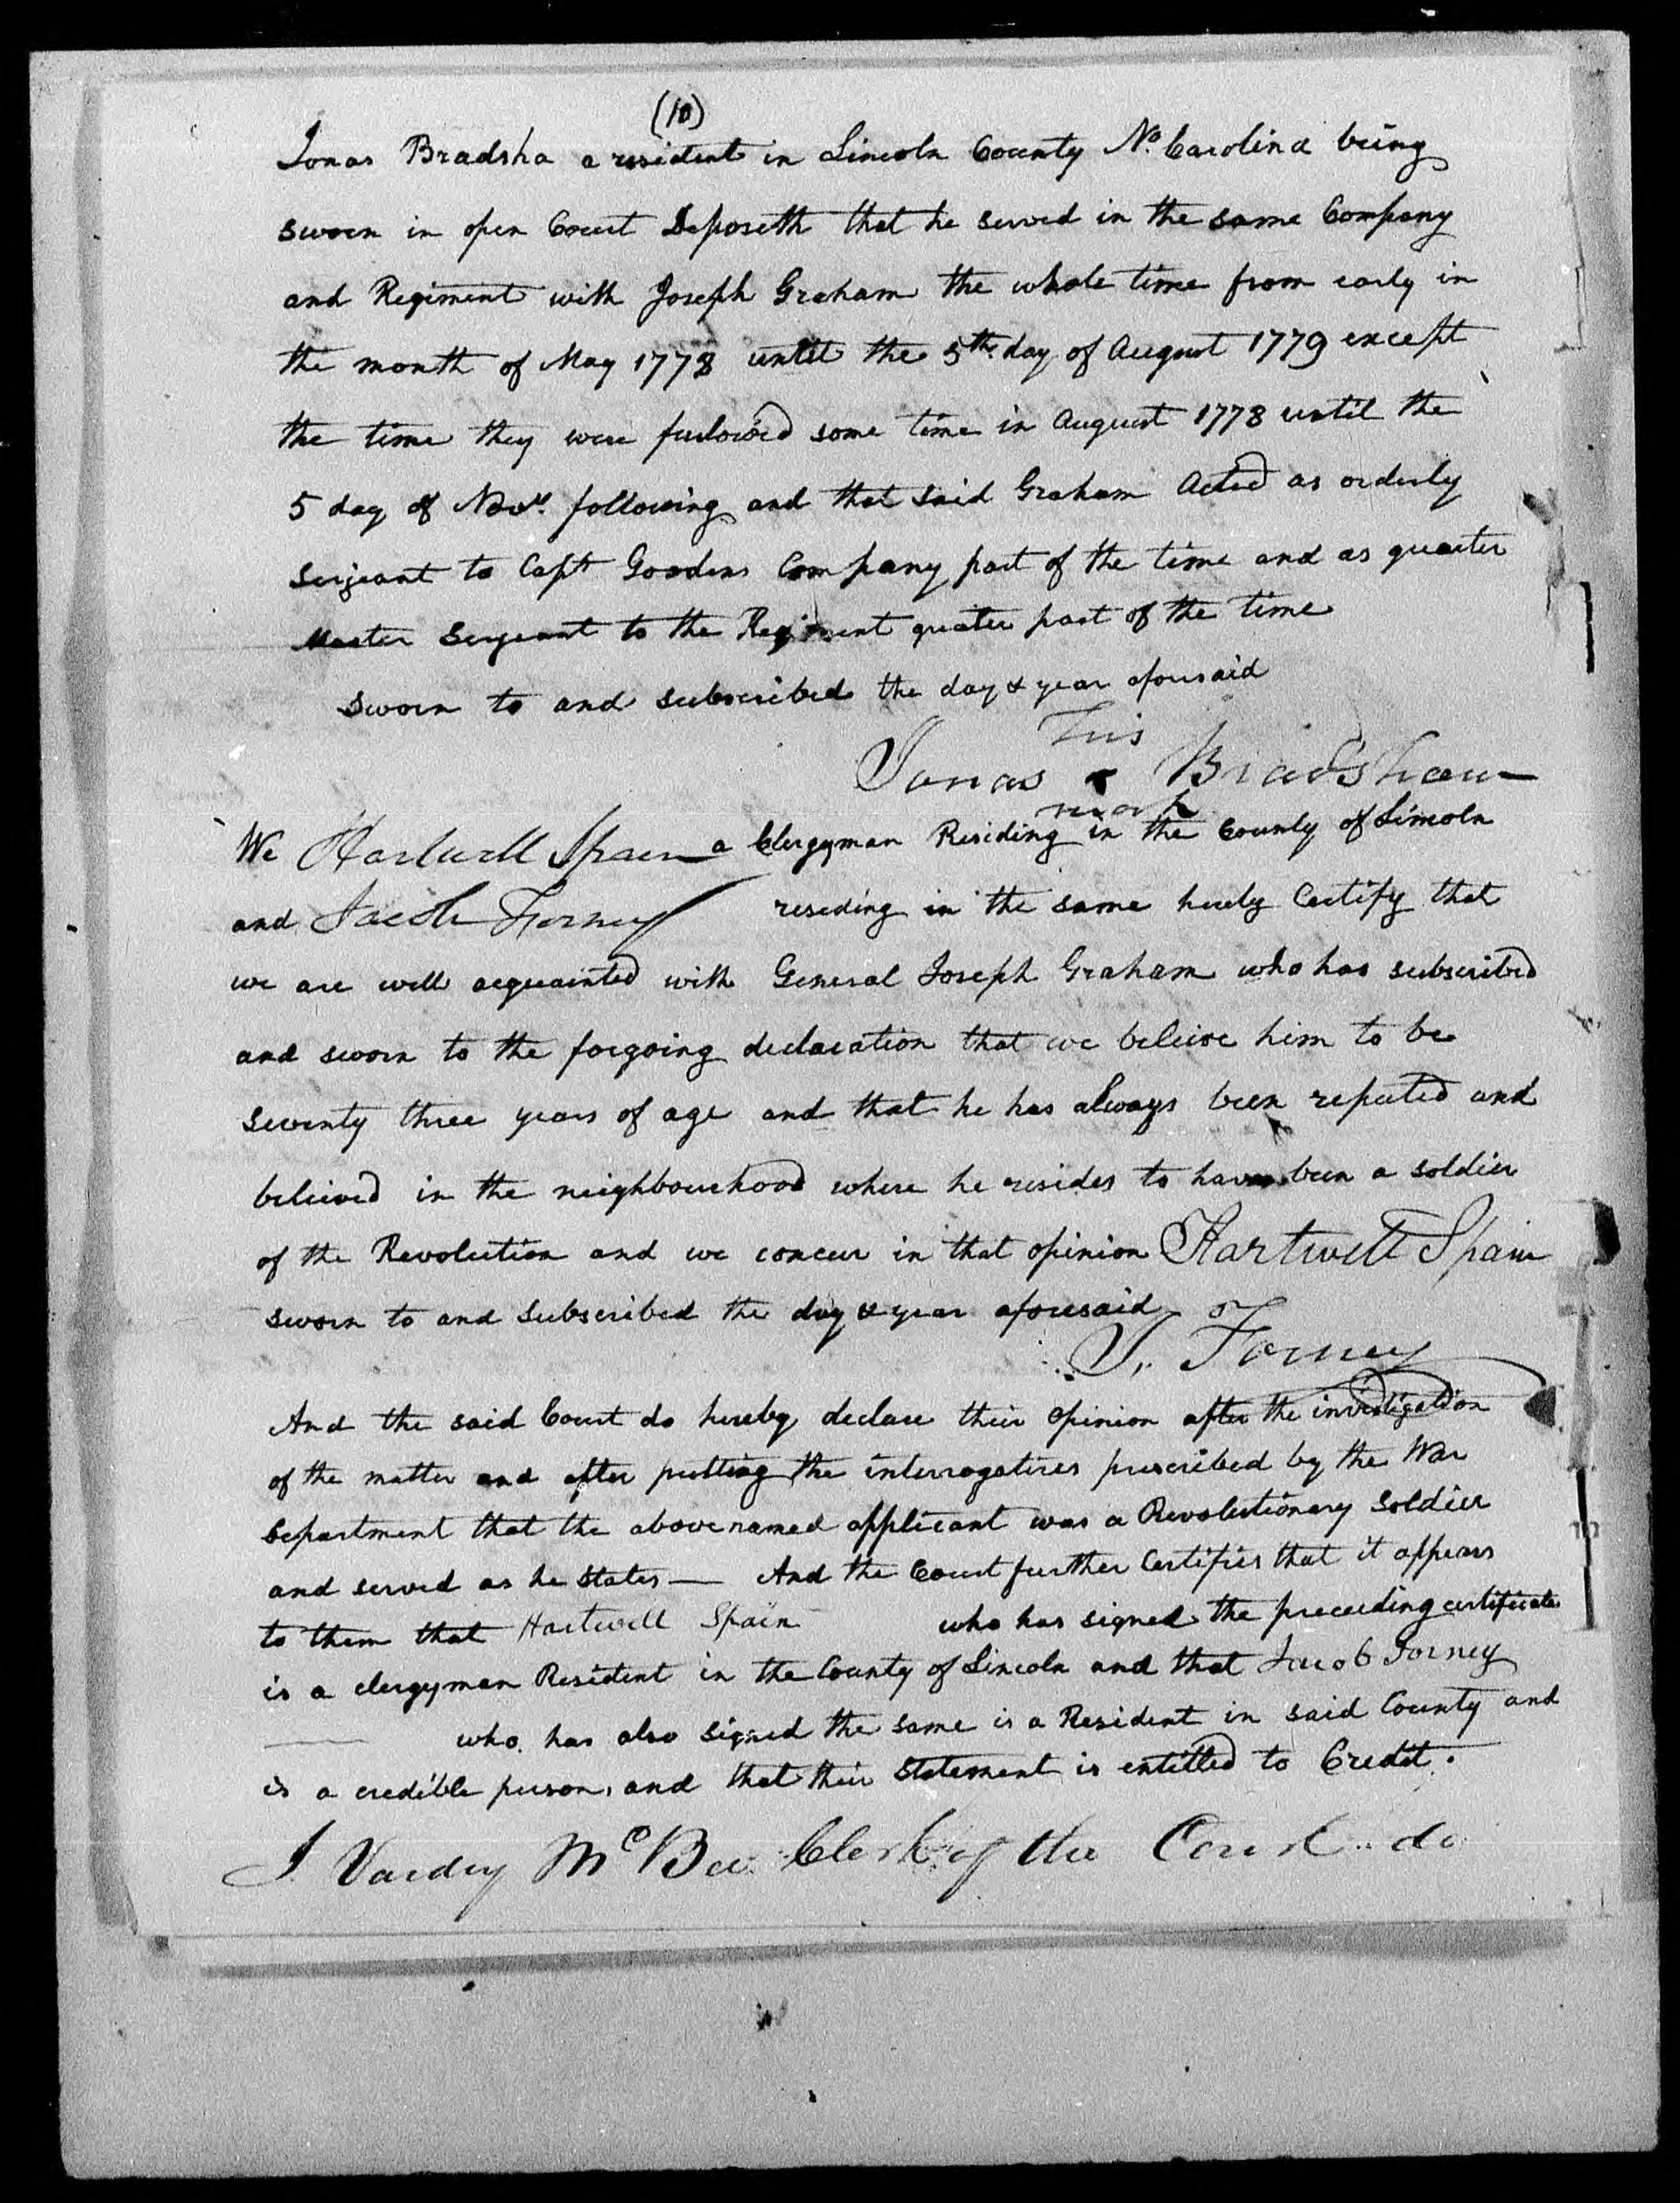(10)
Jonas Bradshaw a resident in Lincoln County No. Carolina being sworn in open court deposeth that he served in the same company and regiment with Joseph Graham the whole time from early in the month of May 1772 until the 5th day of August 1779 except the time they were forloughed some time in August 1778 until the 5 day of Nov. following and that said Graham acted as orderly Sergeant to Capt. Gooden's company part of the time and as quarter Master Sergeant to the Regiment part of the time. Sworn to and Subscribed the day & year aforesaid.
Jonas Bradshaw X his mark
[Signature]

We Hartwell Spain a Clergyman residing in the county of Lincoln and Jacob Forney residing in the same hereby Certify that we are well acquainted with General Joseph Graham who has subscribed and sworn to the forgoing declaration that we believe him to be seventy three years of age and that he has always been reputed and believed in the neigbourhood where he resides to have been a soldier of the Revolution and we concur in that opinion Sworn to and subscribed the day & year aforesaid
Hartwell Spain 
J. Forney
[Signatures]

And the said Court do hereby declare their opinion after the investigation of the matter and after putting the interrogatories prescribed by the War Department that the above named applicant was a Revolutionary Soldier and served as he states - And the Court further certifies that it appears to them that Hartwell Spain who has signed the preceding certiicate is a clergyman resdent in the county of Lincoln and that Jacob Forney who has also signed the same is a resident in said count and is a credible person, and that their statement is entitled to credit.
I Vardey McBee Clerk of the Court do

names: Vardey Mc Bee, Hartwell Spain, Joseph Graham, J Forney, Hartwell Spain, Joseph Graham, Hartwell Spain, Jacob Forney, Jonas Bradshaw, Graham, Jacob Forney, Jonas Bradsha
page: 5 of 55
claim: survivor's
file: S. 6,937, Joseph Graham, N.C.